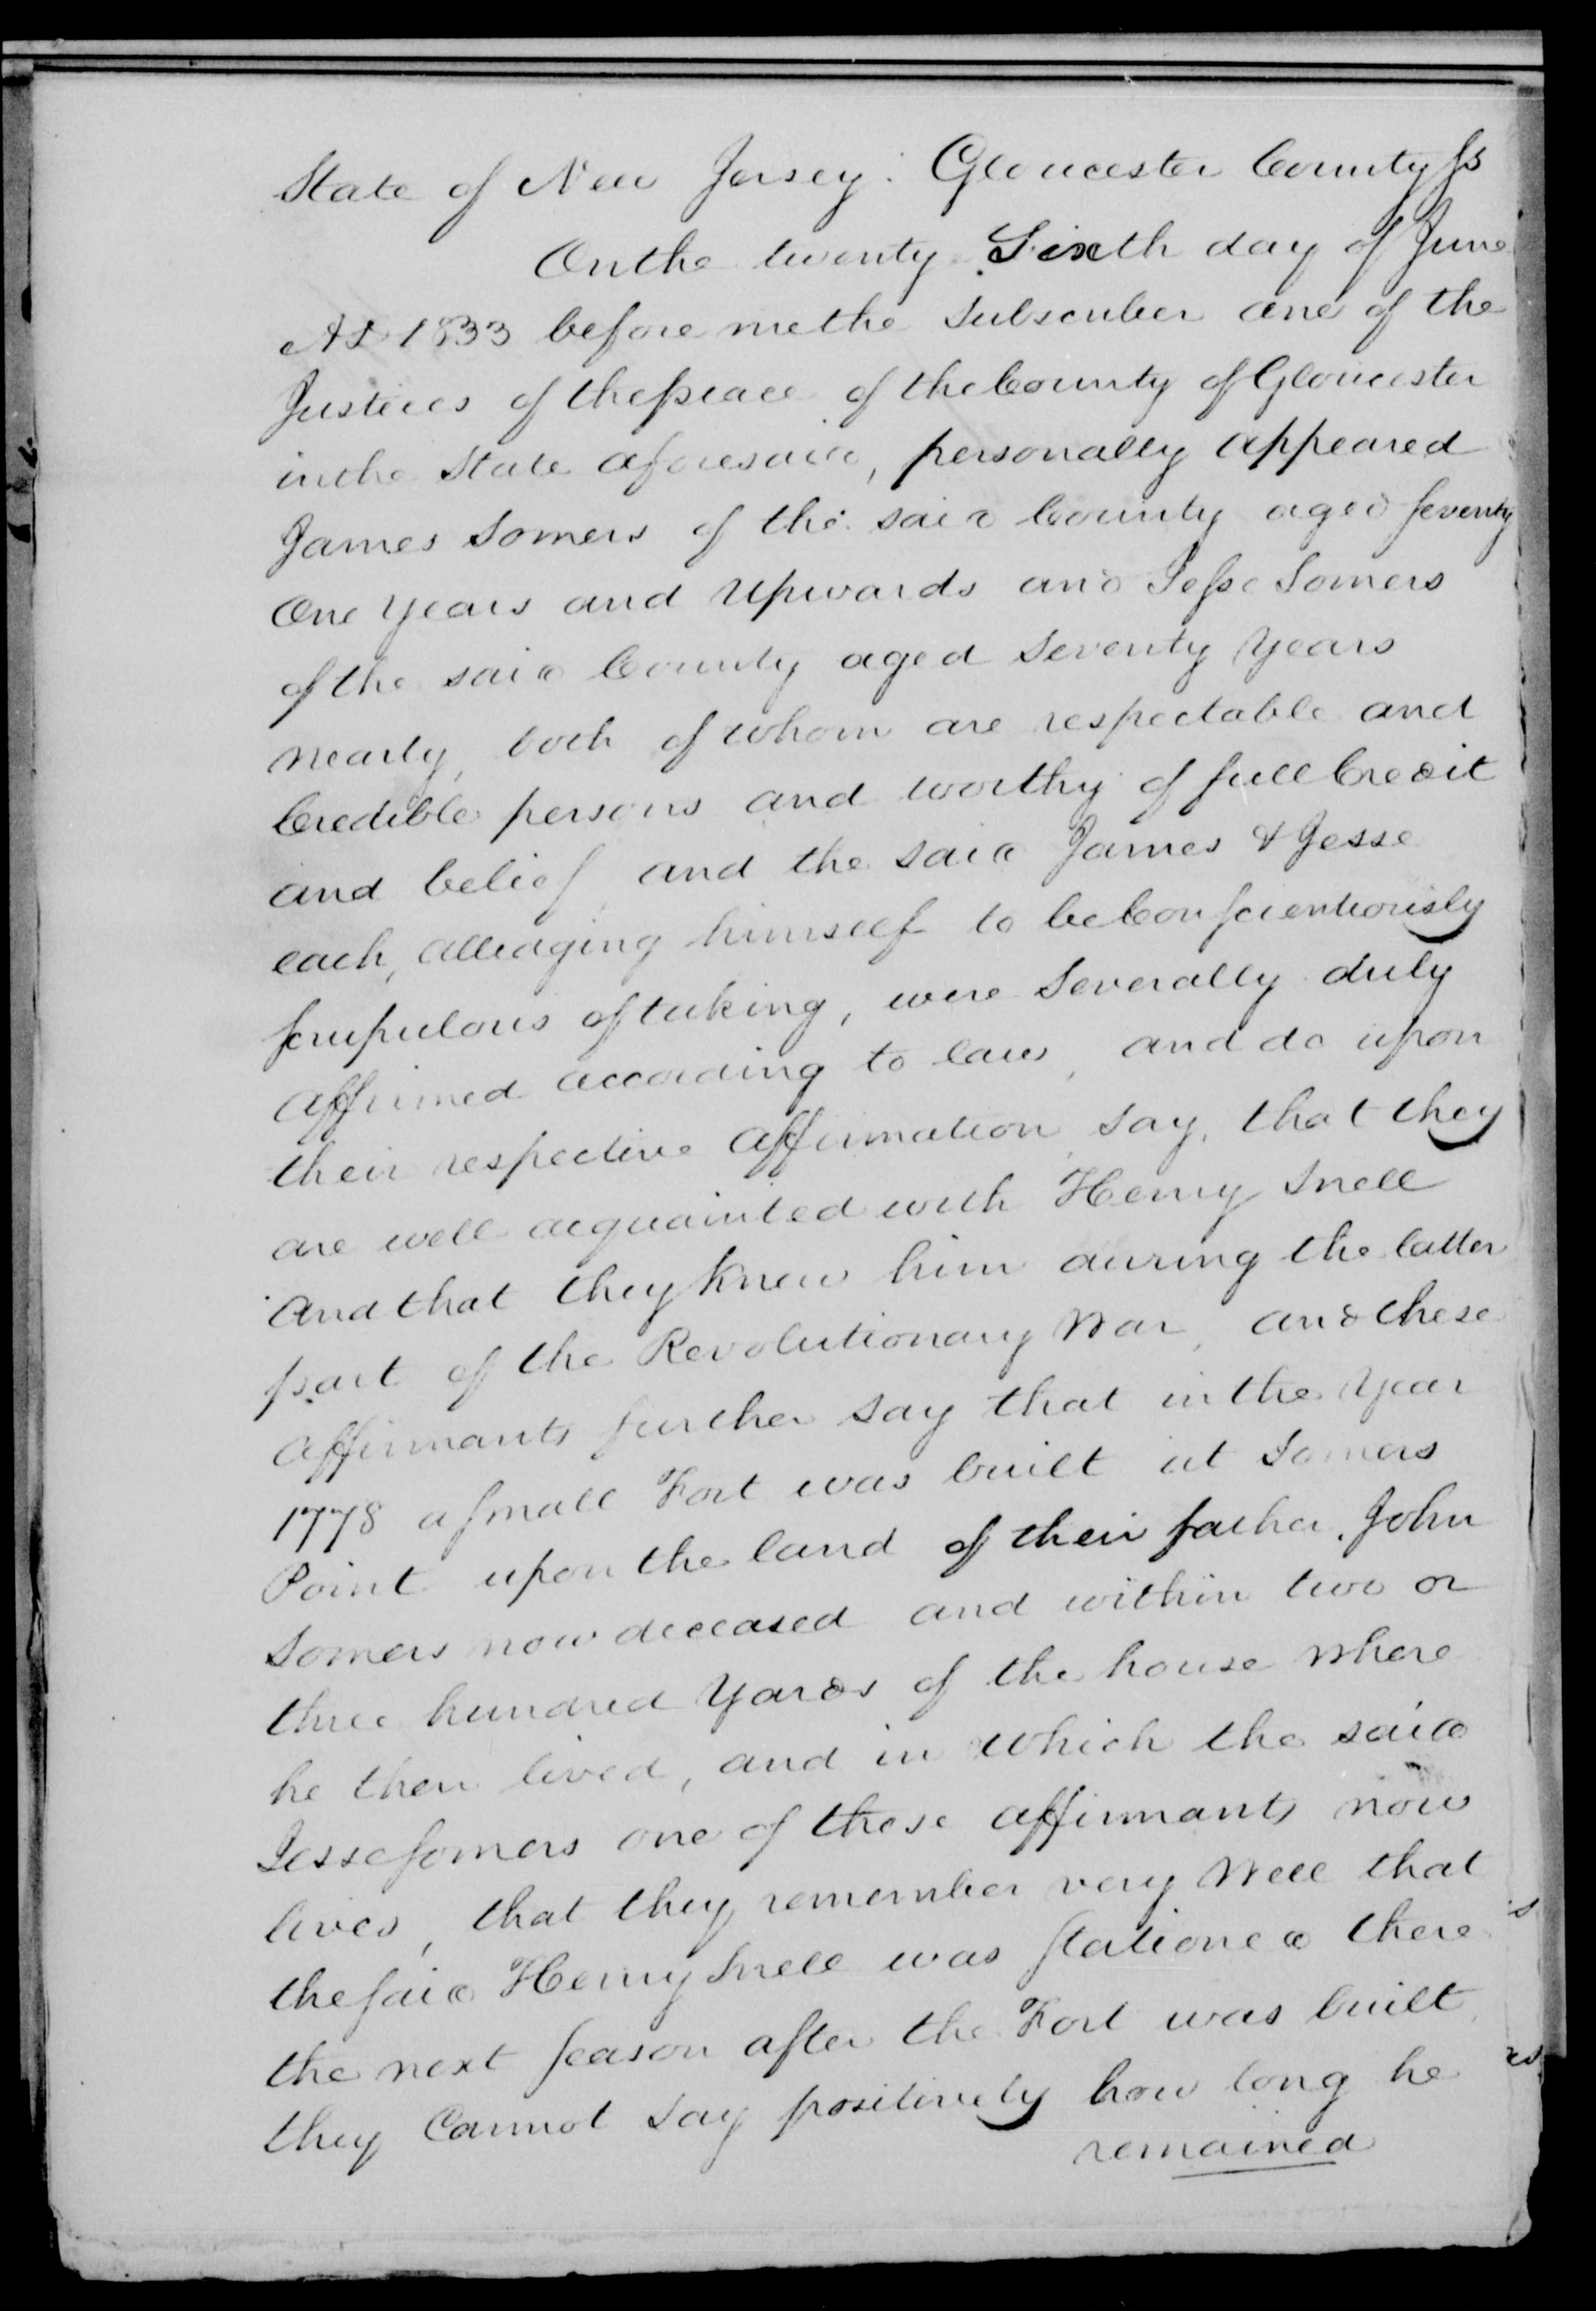State of New Jersey Gloucester County
On the twenty sixth day of June A D 1833 before me the subscriber one of the Justices of the Peace of the County of Gloucester in the state aforesaid, personally appeared James Somers of the said County aged seventy one years and upwards and Jesse Somers of the said County aged seventy years nearly, both of whom are respectable and credible persons and worthy of full credit and belief, and the said James & Jesse each, alleging himself to be Conscientiously scrupulous of taking , were severally duly affirmed according to the law, and do upon their respective affirmation sat that they are well acquainted with Henry Snell and that they knew him during the latter part of the Revolutionary War, and these affirmants further say that in the year 1778, a small Fort was built at Somers Point upon the land of their father,  John Somers now deceased, and within two or three hundred yards of the house where he lived, and in which the said Jesse Somers one of these affirmants now lives, that they remember very well that the said Henry Snell was stationed there the next season after the Fort was built,  they cannot say positively how long he remained.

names: James Somers; John Somers; James [BLANK]; Jesse Somers; Henry Snell; Jesse [BLANK]; Henry Snell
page: 14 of 27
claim: rejected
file: R. 9,892, for Henry Snell, New Jersey